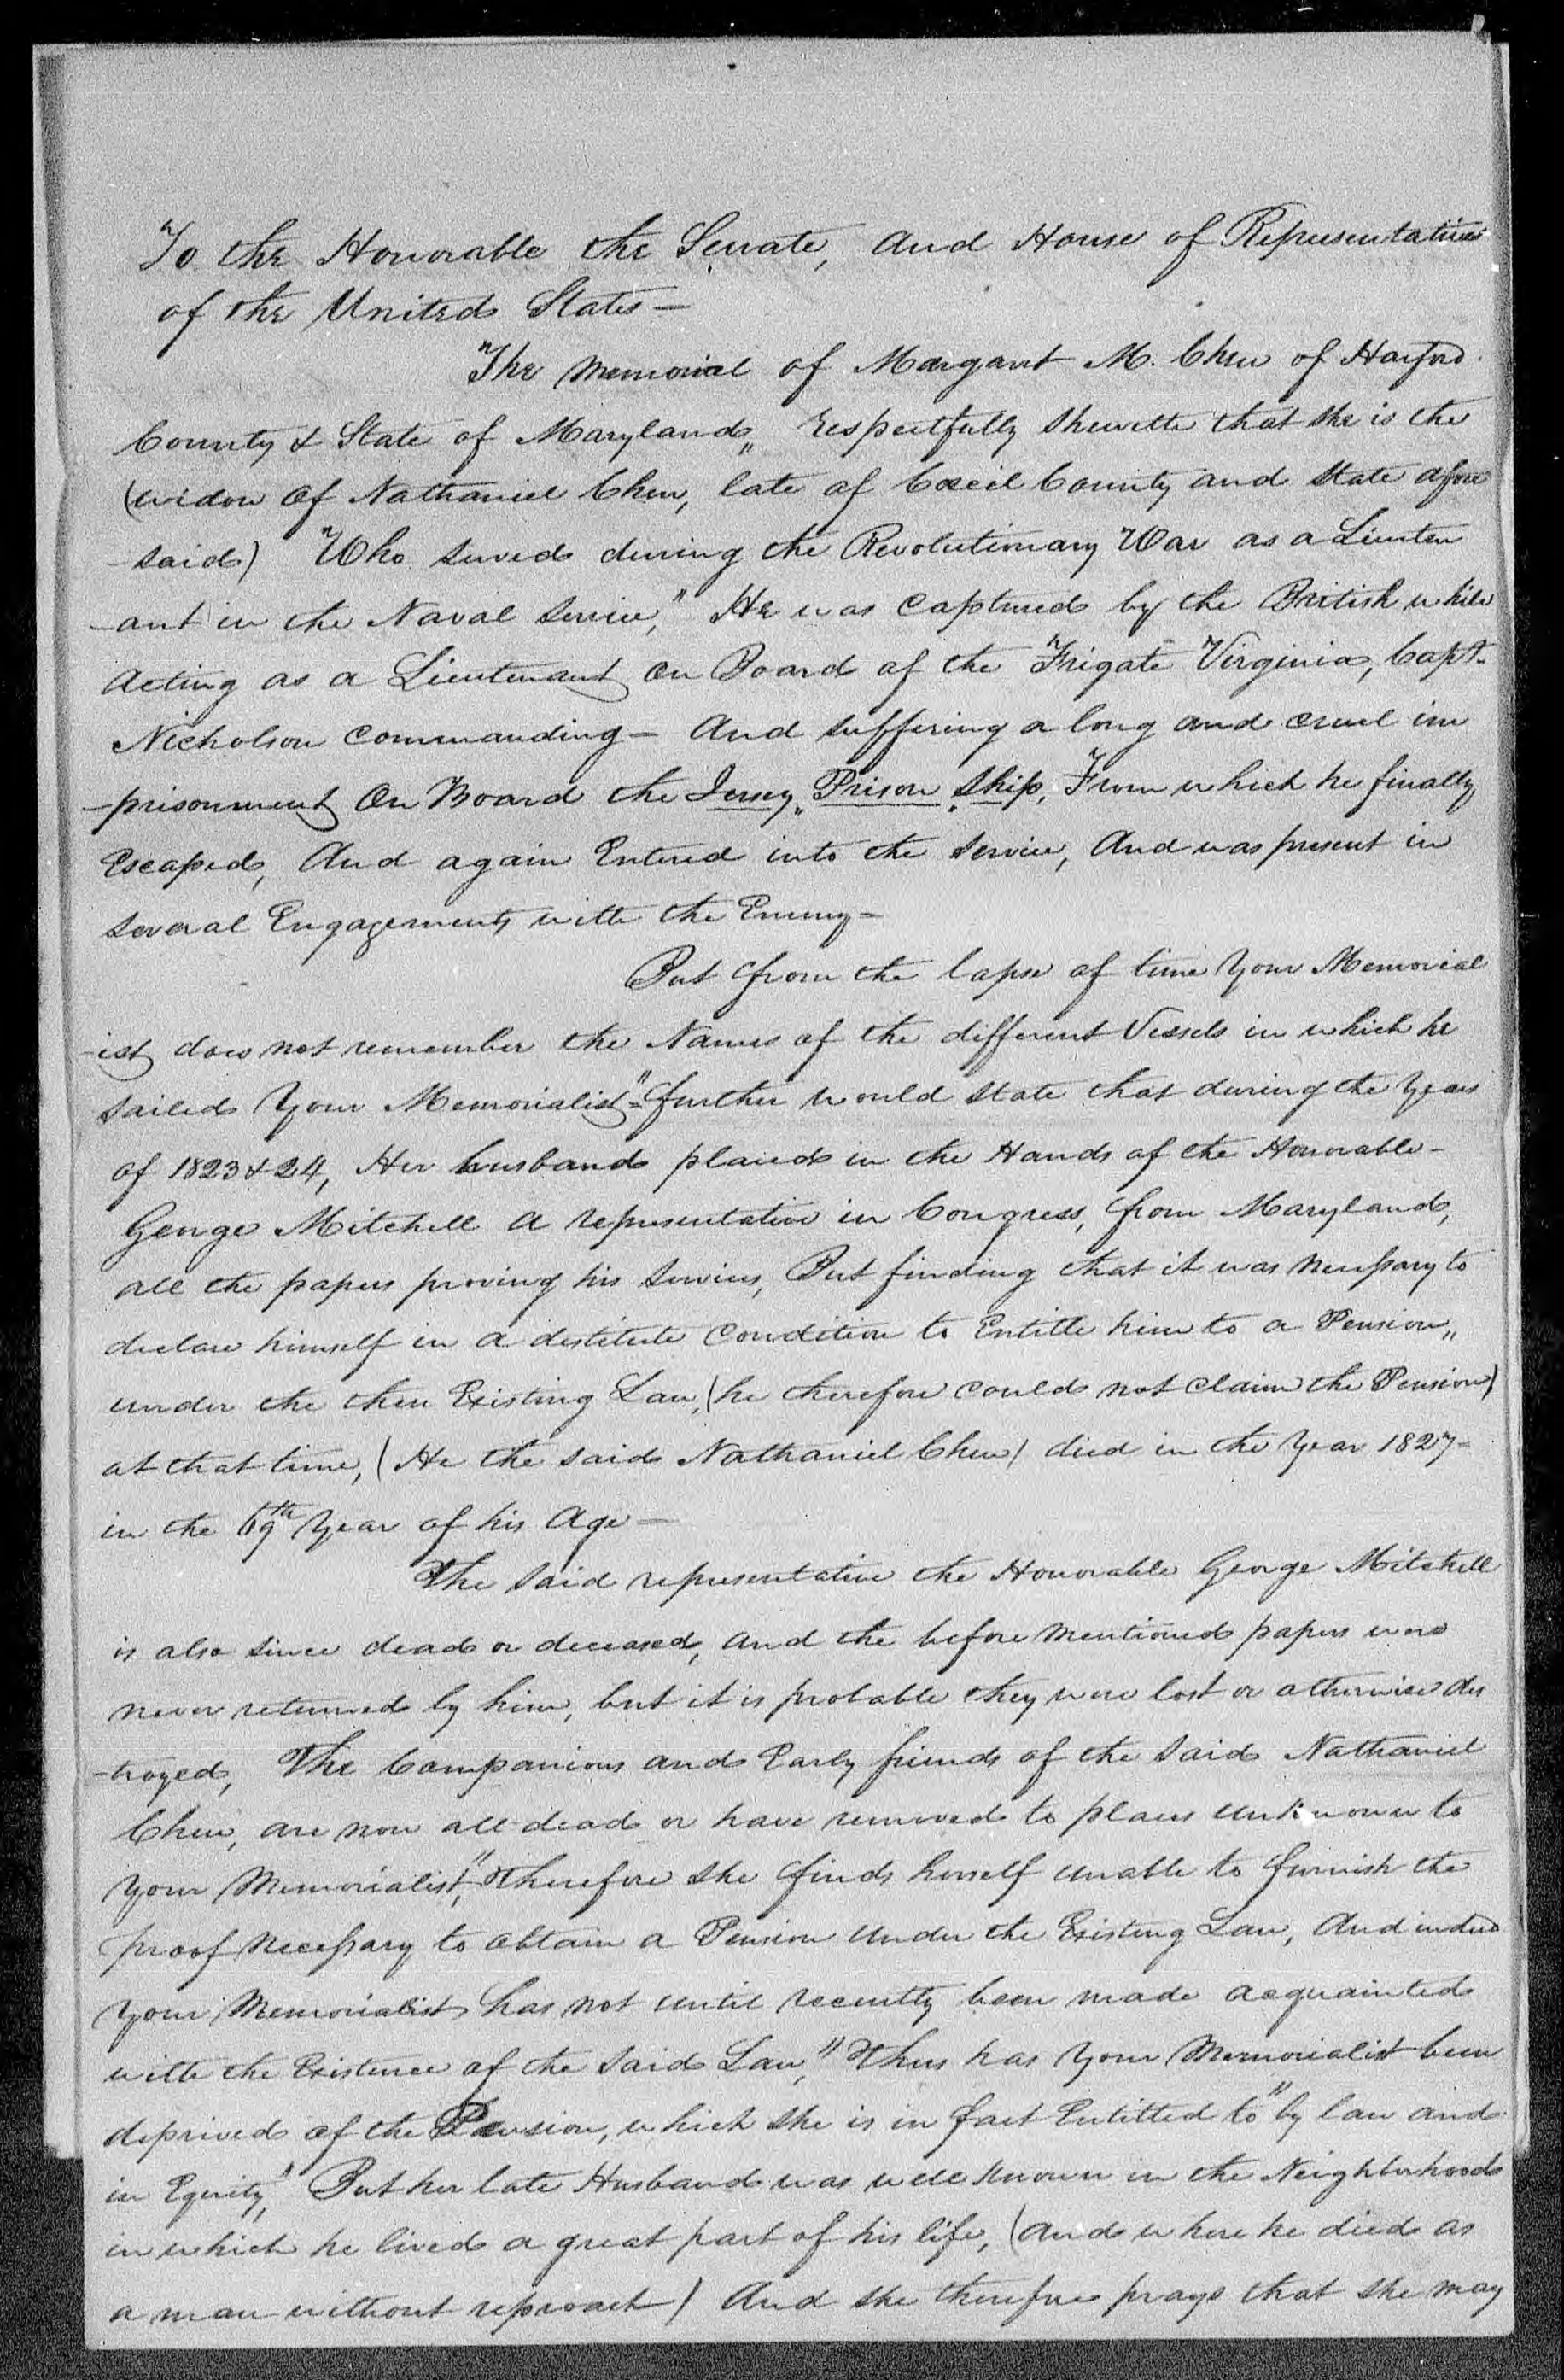To the Honorable the Senate, and House of Representatives of the United States.

The memorial of Margaret M Chew of Harford County and State of Maryland, respectfully sheweth that she is the (widow of Nathaniel Chew, late of Cecil County and state aforesaid) "who served during the Revolutionary War as a Lieutenant in the Naval Service". He was captured by the British while acting as a Lieutenant on board of the Frigate Virginia, Capt. Nicholson commanding - and suffering a long and cruel imprisonment on board the Jersey Prison Ship, from which he finally escaped, and again entered into the service, and was present in several engagements with the enemy.

But from the lapse of time your memorialist does not remember the names of the different vessels in which he sailed. Your memorialist "further would state that during the year of 1823 & 24, her husband placed in the hands of the Honorable George Mitchell a representative in Congress, from Maryland, all the papers proving his service, but finding that it was necessary to declare himself in a destitute condition to entitle him to a pension, under the then existing law, (he therefore could not claim the pension) at that time, (He the said Nathaniel Chew, died in the year 1827 in the 69th year of his age. 

The said representative the Honorable George Mitchell is also since dead or deceased, and the before mentioned papers were never returned by him, but it is probable they were lost or otherwise destroyed. The companions and early friends of the said Nathaniel Chew are now all dead or have removed to places unknown to your memorialist," therefore she finds herself unable to furnish the proof necessary to obtain a pension under the existing law, and indeed your memorialist has not until recently been made acquainted with the existence of the said Law." Thus has your memorialist been deprived of the Pension, which she is in fact entitled to" by law and in equity," But her late husband was well known in the neighborhood in which he lived a great part of his life, (and where he died as a man without reproach) and she therefore prays that she may...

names: Nathaniel Chew, Nathaniel Chew, Margaret M Chew, Nathaniel Chew, George Mitchell, Nicholson, George Mitchell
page: 4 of 59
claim: widow's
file: W. 9383, Nathaniel Chew, Navy (Md.)